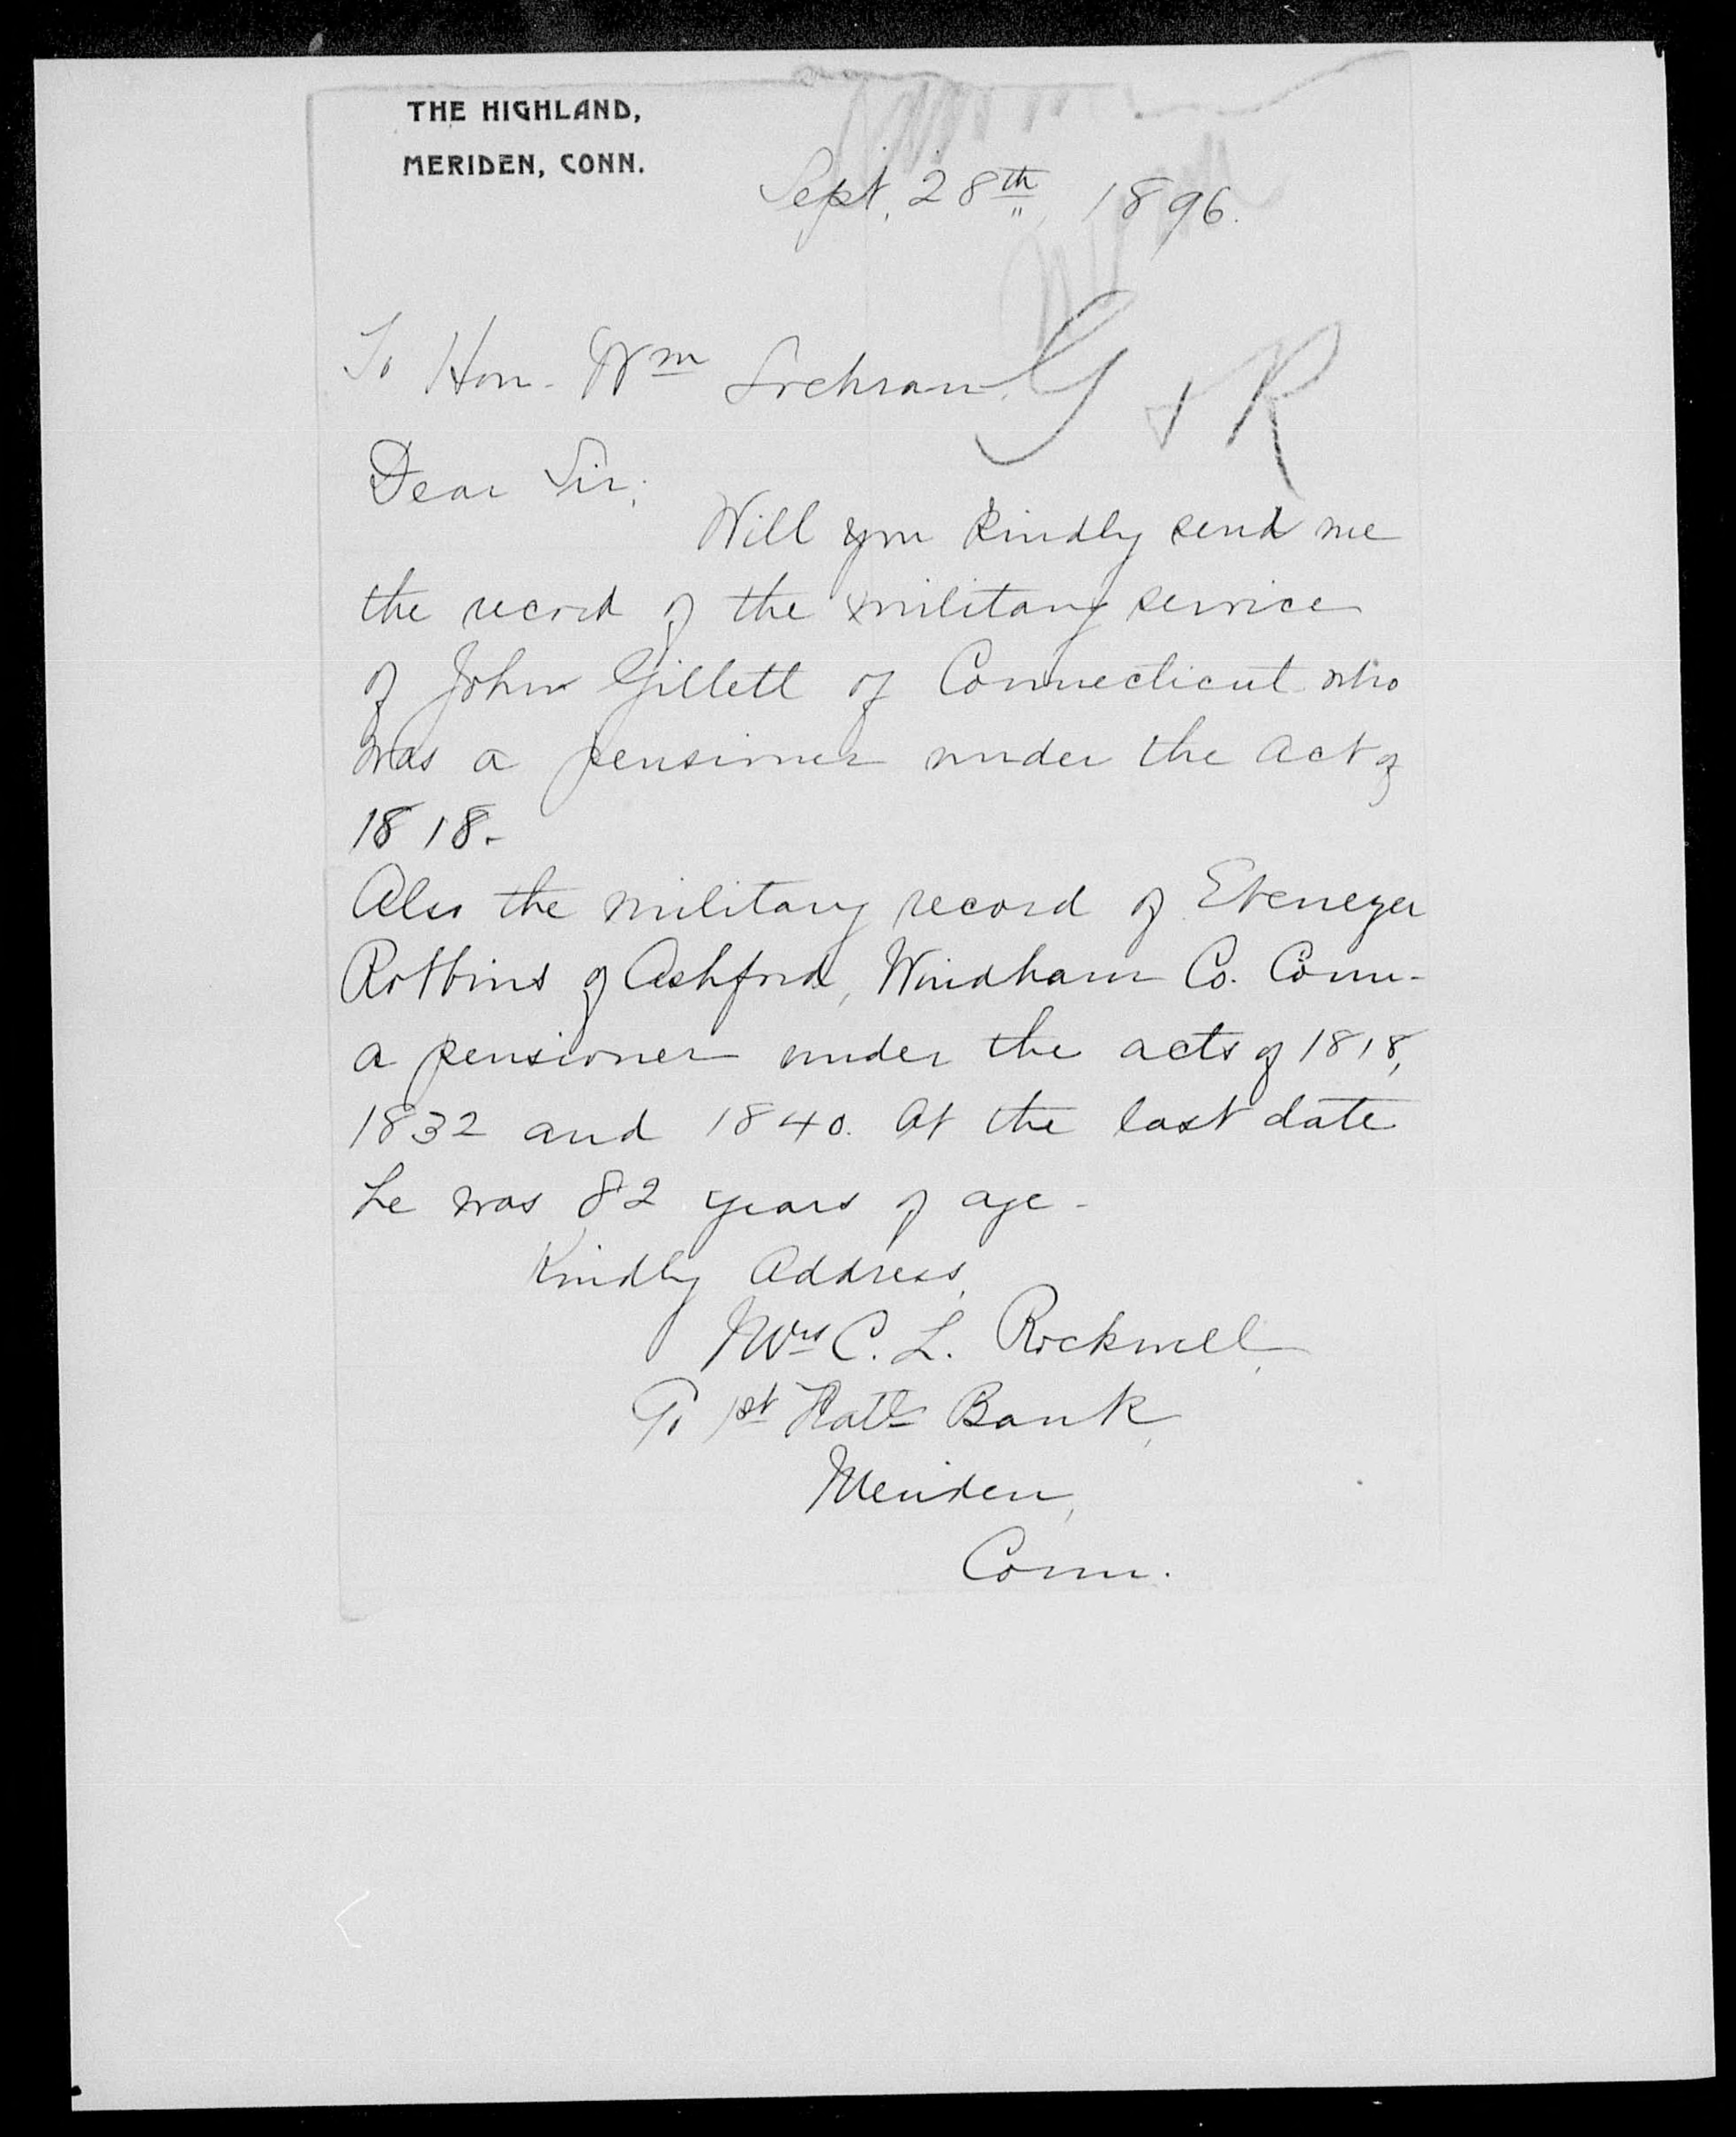THE HIGHLAND
MERIDEN, CONN.    Sept. 28th 1896.

To Hon Wm. Lochran        G  & R

Dear Sir,
     Will you kindly send me the record of the military service of John Gillet of Connecticut who was a pensioner under the Act of 1818.
Also the military record of Ebenezer Robbins of Ashford, Windham Co Conn. a pensioner under the acts of 1818, 1832 and 1840. At the last date he was 82 years of age.

     Kindly address
              Mrs. C.L. Rockwell
          To  1st Natl Bank 
                   Meriden, Conn.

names: Ebenezer Robbins, Wm Lochran, C L Rockwell, John Gillett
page: 28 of 40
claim: survivor's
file: S. 36,537 And R. 4034, John Gillet, Conn.